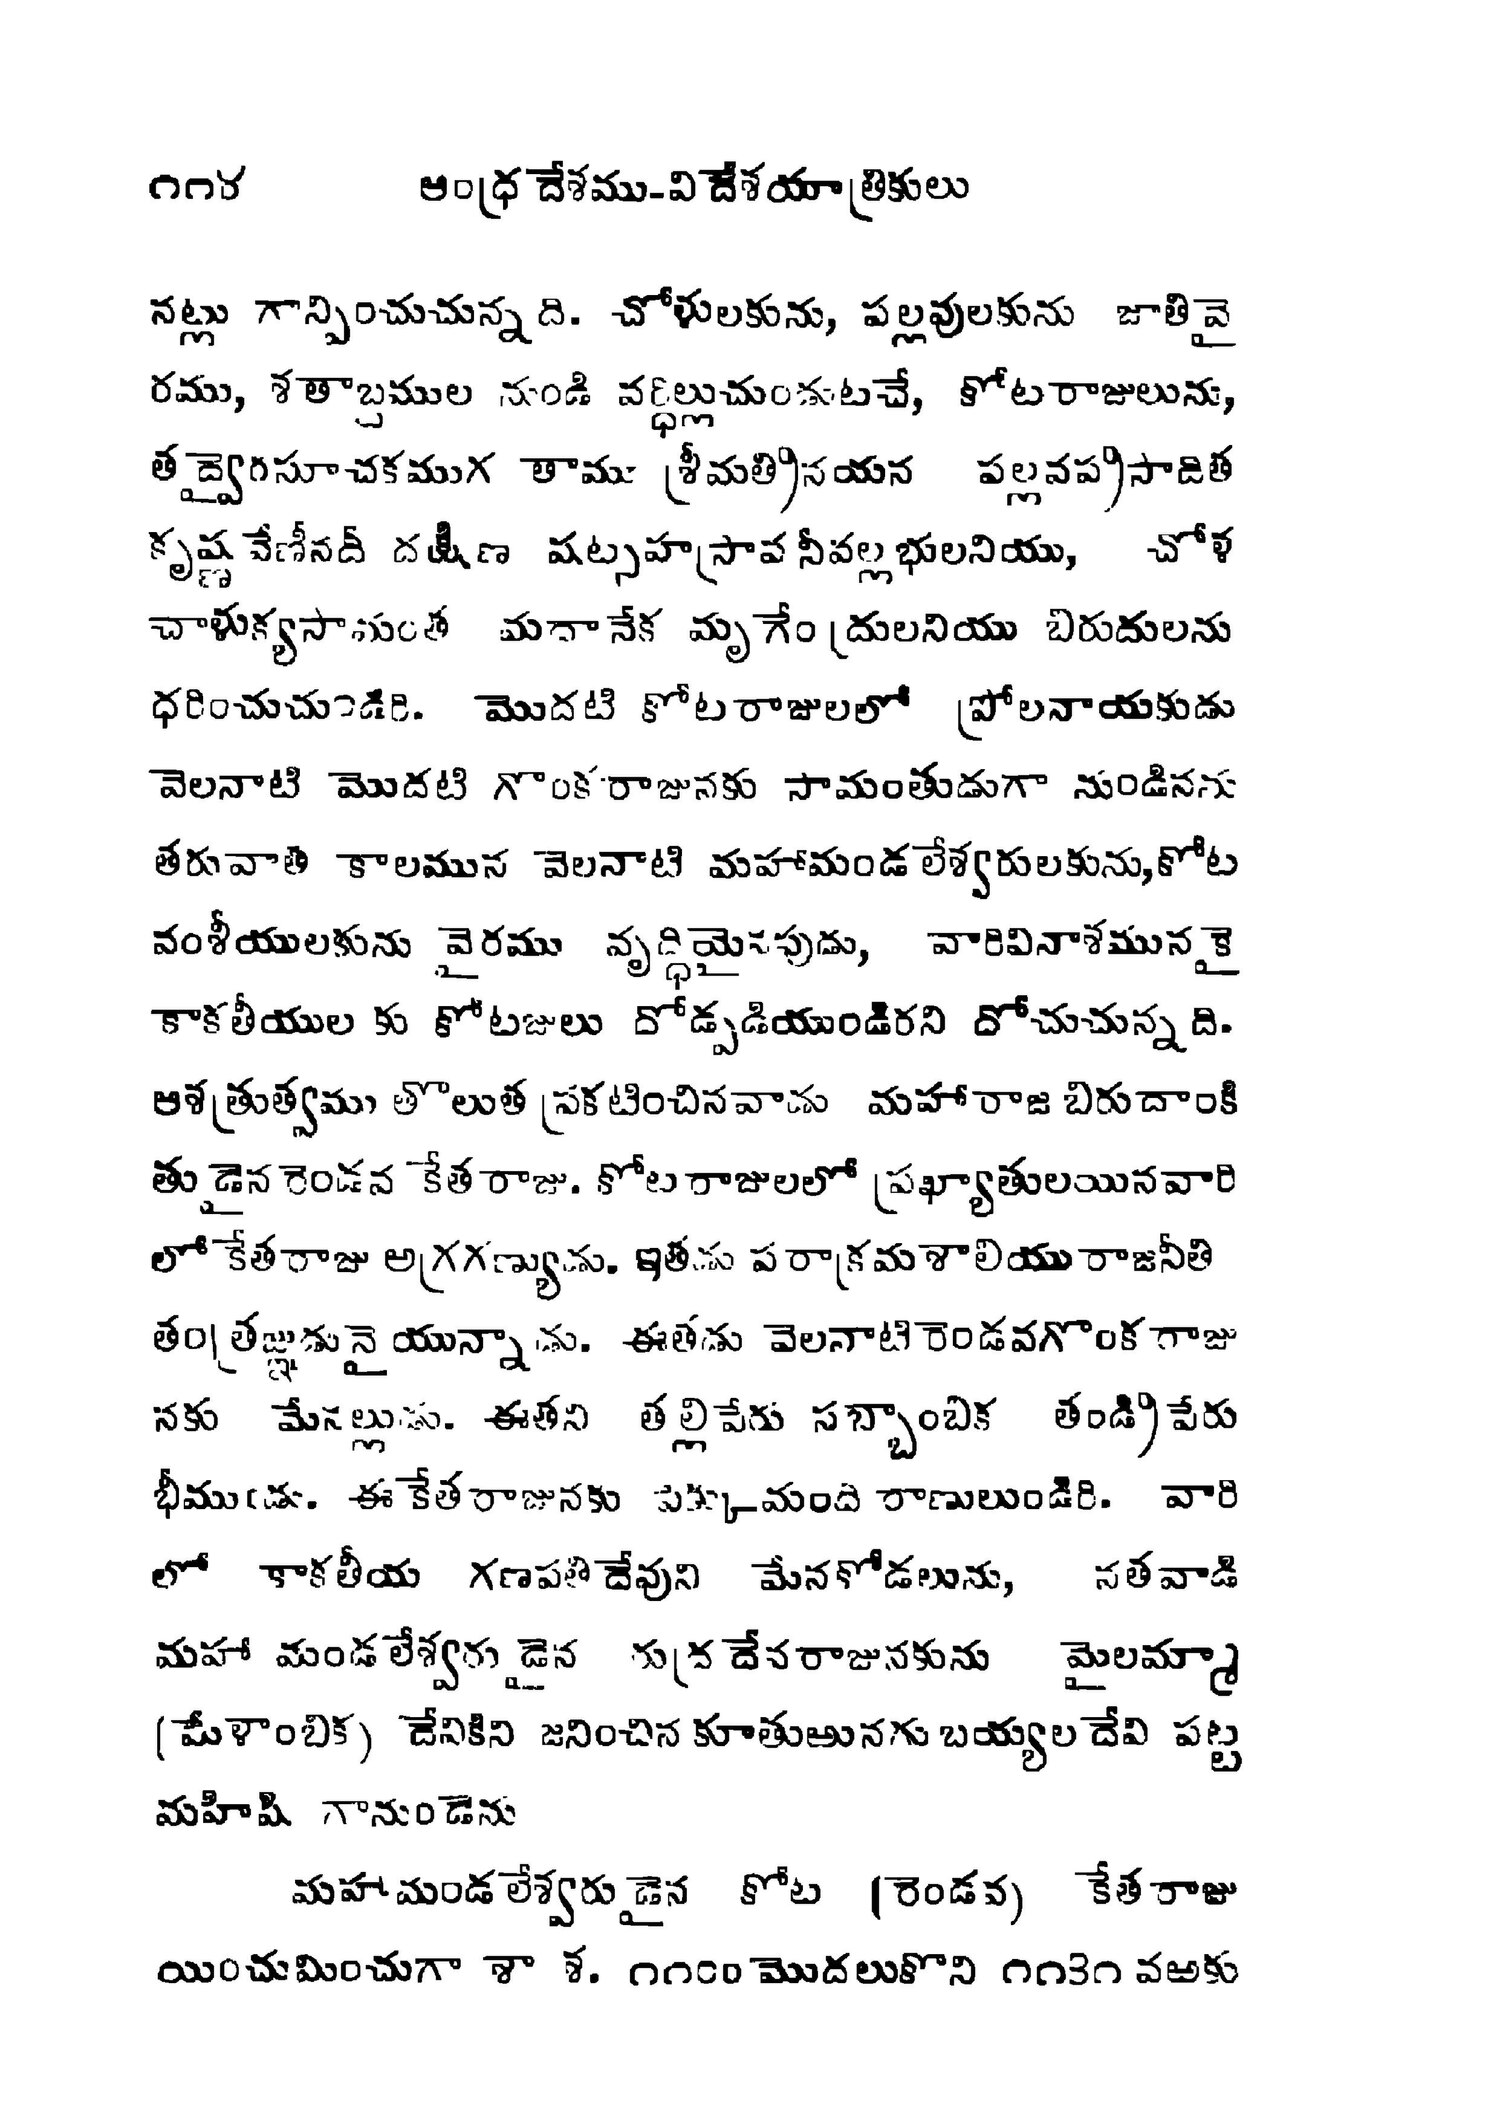నట్లు గాన్పించుచున్నది. చోళులకును, పల్లవులకును జాతివైరము, శతాబ్దముల నుండి వర్ధిల్లుచుండుటచే, కోటరాజులును, తద్వైర సూచకముగ తాము శ్రీమత్రినయన పల్లవప్రసాదిత కృష్ణవేణీనదీ దక్షిణ షట్సహస్రావనీవల్లభులనియు, చోళ చాళుక్యసామంత మదానేక మృగేంద్రులనియు బిరుదులను ధరించుచుండిరి. మొదటి కోటరాజులలో ప్రోలనాయకుడు వెలనాటి మొదటి గొంకరాజునకు సామంతుడుగా నుండినను తరువాత కాలమున వెలనాటి మహామండలేశ్వరులకును, కోట వంశీయులకును వైరము వృద్ధియైనపుడు, వారివినాశమునకై కాకతీయులకు కోటరాజులు దోడ్పడియుండిరని దోచుచున్నది. ఆశత్రుత్వము తొలుత ప్రకటించినవాడు మహారాజ బిరుదాంకితుడైన రెండవ కేతరాజు. కోటరాజులలో ప్రఖ్యాతులయిన వారిలో కేతరాజు అగ్రగణ్యుడు. ఇతడు పరాక్రమశాలియు రాజనీతి తంత్రజ్ఞుడునై యున్నాడు. ఈతడు వెలనాటి రెండవ గొంకరాజునకు మేనల్లుడు. ఈతని తల్లిపేరు సబ్బాంబిక తండ్రిపేరు భీముడు. ఈకేతరాజునకు పెక్కుమంది రాణులుండిరి. వారిలో కాకతీయ గణపతిదేవుని మేనకోడలును, నతవాడి మహా మండలేశ్వరుడైన రుద్రదేవరాజునకును మైలమ్మా (మేళాంబిక) దేవికిని జనించిన కూతుఱునగు బయ్యలదేవి పట్టమహిషి గానుండెను.

మహామండలేశ్వరుడైన కోట (రెండవ) కేతరాజు యించుమించుగా శా.శ 1100 మొదలుకొని 1131 వఱకు